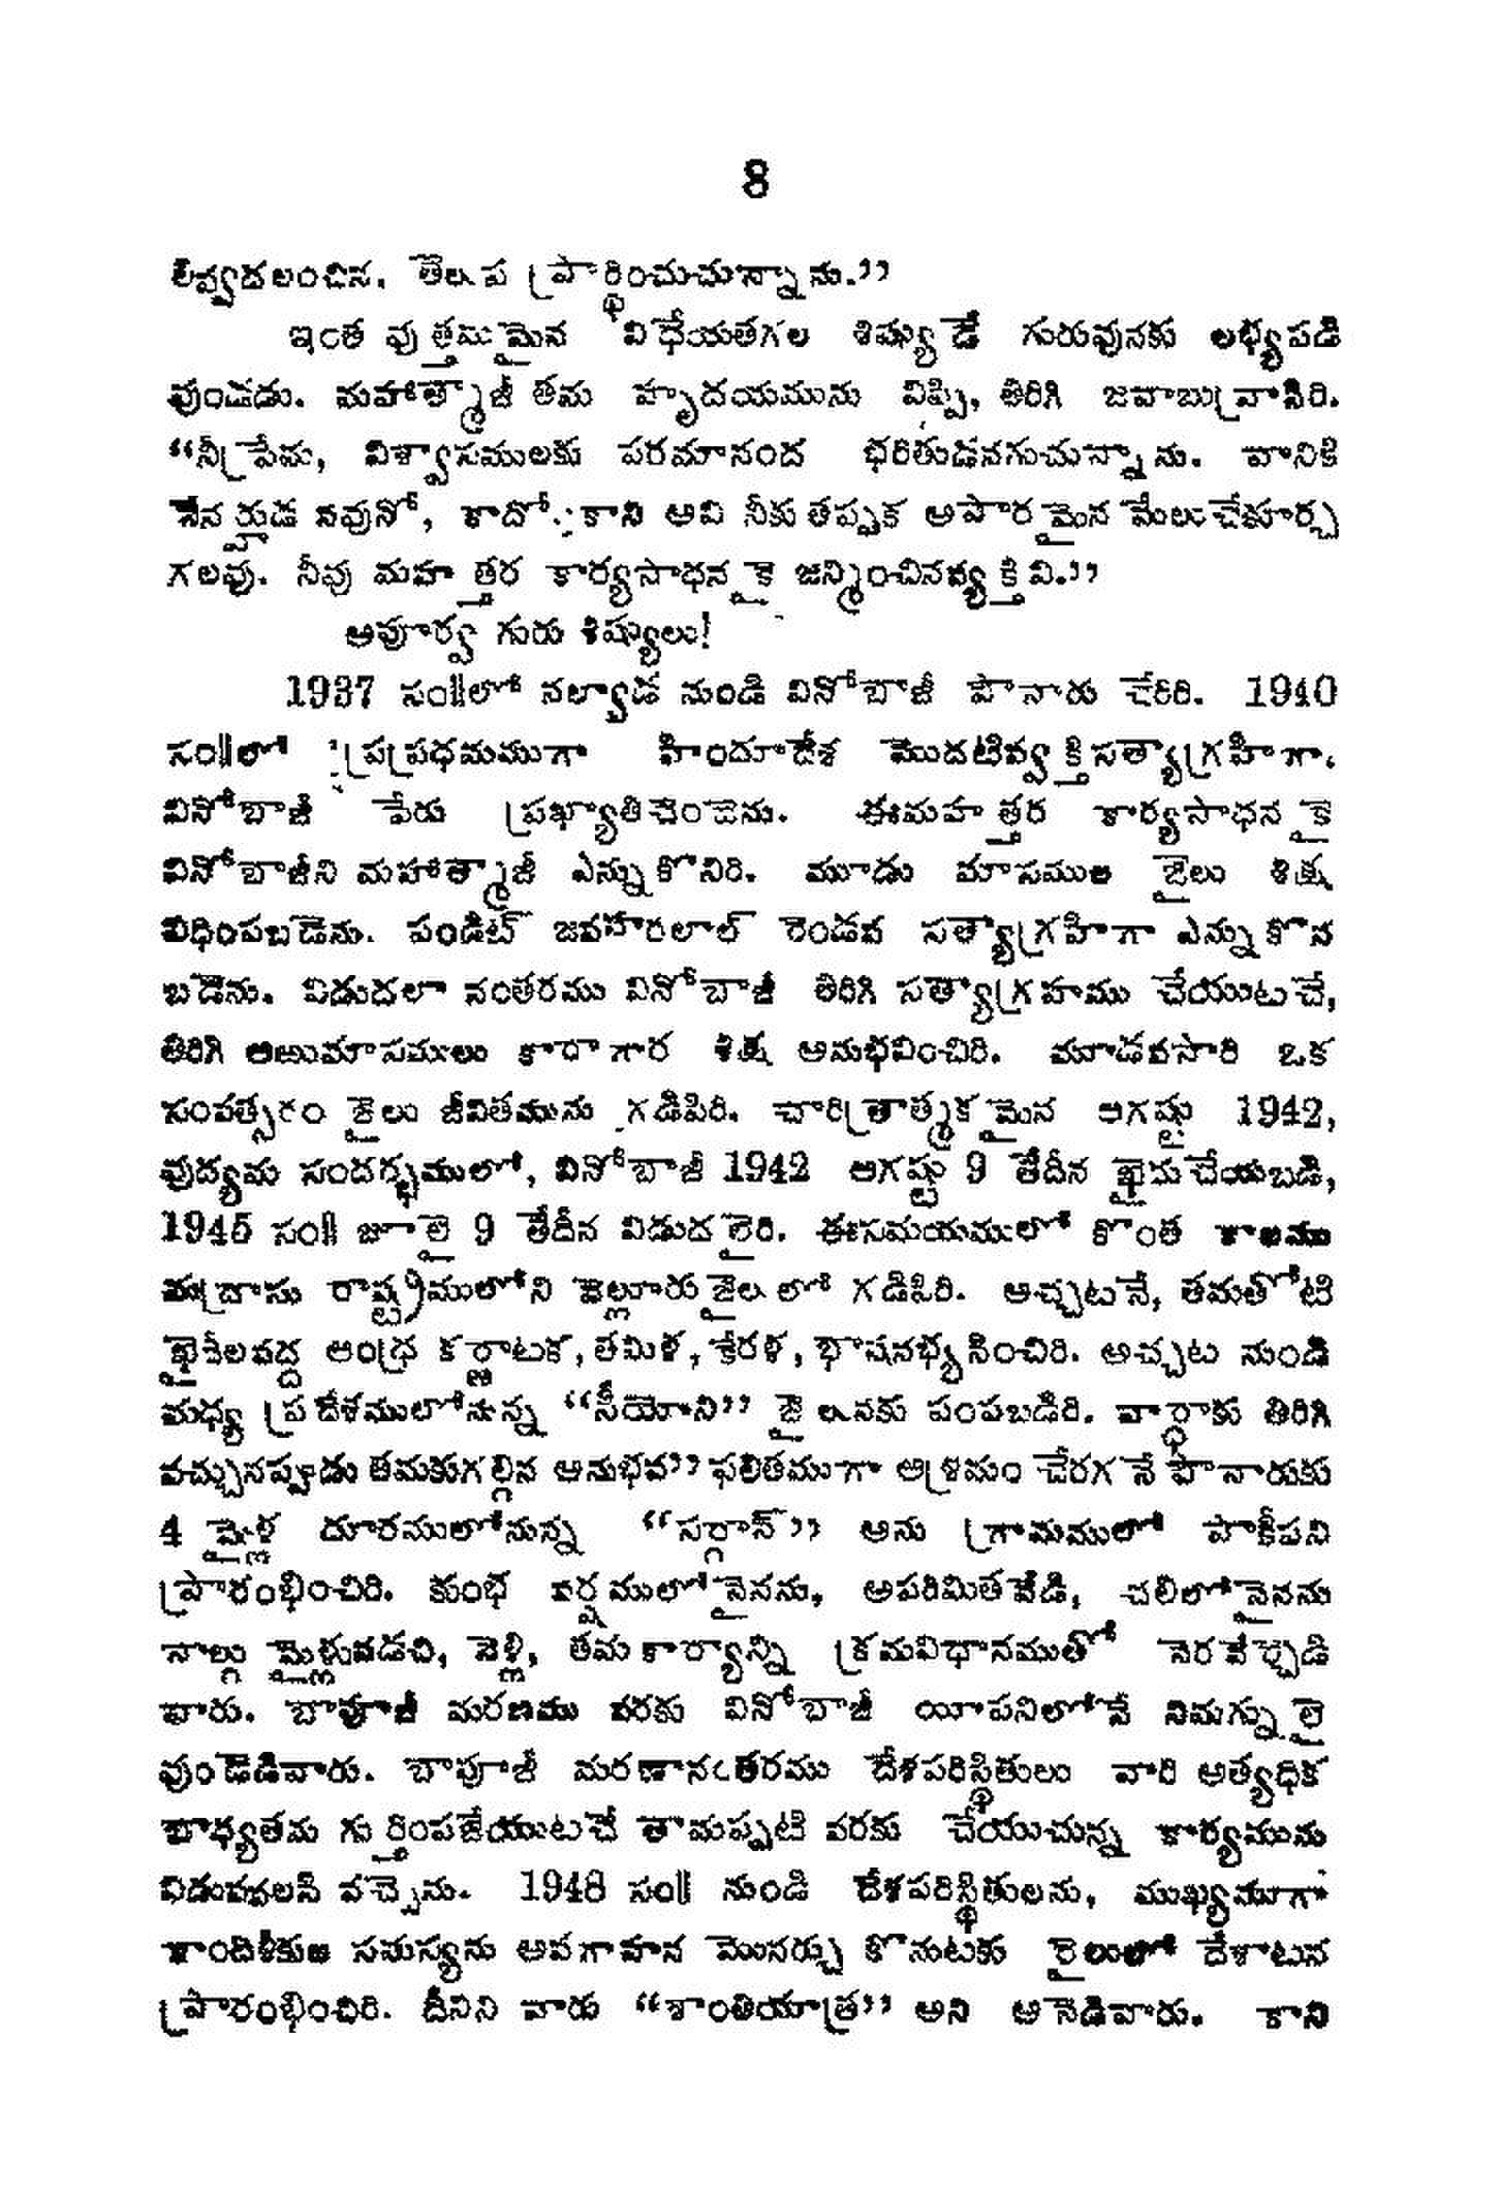లివ్వదలంచిన, తెలుప ప్రార్థించుచున్నాను."

ఇంత వుత్తమమైన విధేయతగల శిష్యుడే గురువునకు లభ్యపడి వుండడు. మహాత్మాజీ తమ హృదయమును విప్పి, తిరిగి జవాబువ్రాసిరి. “నీప్రేమ, విశ్వాసములకు పరమానంద భరితుడనగుచున్నాను. వానికి నేనర్హుడ నవునో, కాదో, కాని అవి నీకు తప్పక అపారమైన మేలుచేకూర్చ గలవు. నీవు మహత్తర కార్యసాధనకై జన్మించినవ్యక్తివి."

అపూర్వ గురు శిష్యులు! 

1937 సం||లో నల్వాడ నుండి వినోబాజీ పౌనారు చేరిరి. 1940 సం||లో ప్రప్రధమముగా హిందూదేశ మొదటివ్వక్తి సత్యాగ్రహిగా వినోబాజీ పేరు ప్రఖ్యాతిచెందెను. ఈమహత్తర కార్యసాధన కై వినోబాజీని మహాత్మాజీ ఎన్నుకొనిరి. మూడు మాసముల జైలు శిక్ష విధింపబడెను. పండిట్ జవహరలాల్ రెండవ సత్యాగ్రహిగా ఎన్నుకొనబడెను. విడుదలా నంతరము వినోబాజీ తిరిగి సత్యాగ్రహము చేయుటచే, తిరిగి అఱుమాసములు కారాగార శిక్ష అనుభవించిరి. మూడవసారి ఒక సంవత్సరం జైలు జీవితమును గడిపిరి. చారిత్రాత్మకమైన ఆగష్టు 1942, వుద్యమ సందర్భములో, వినోబాజీ 1942 ఆగష్టు 9 తేదీన ఖైదుచేయబడి, 1945 సం!! జూలై 9 తేదీన విడుదలైరి. ఈసమయములో కొంత కాలము మద్రాసు రాష్ట్రములోని వెల్లూరుజైలులో గడిపిరి. అచ్చటనే, తమతోటి ఖైదీలవద్ద ఆంధ్ర కర్ణాటక , తమిళ, కేరళ, భాషనభ్యసించిరి. అచ్చట నుండి మధ్య ప్రదేశములోనున్న “సీయోని" జైలునకు పంపబడిరి. వార్ధాకు తిరిగి వచ్చునప్పుడు తమకుగల్గిన ఆనుభవ" ఫలితముగా ఆశ్రమం చేరగనే పౌనారుకు 4 మైళ్ల దూరములోనున్న "సర్గాన్" అను గ్రామములో పాకీపని ప్రారంభించిరి. కుంభ వర్షములోనైనను, అపరిమితవేడి, చలిలోనైనను నాల్గు మైళ్లునడచి, వెళ్లి, తమకార్యాన్ని క్రమవిధానముతో నెరవేర్చడి వారు. బాపూజీ మరణము వరకు వినోబాజీ యీపనిలోనే నిమగ్నులై వుండెడివారు. బాపూజీ మరణానంతరము దేశపరిస్థితులు వారి అత్యధిక బాధ్యతను గుర్తింపజేయుటచే తామప్పటి వరకు చేయుచున్న కార్యమును విడువవలసి వచ్చెను. 1948 సం|| నుండి దేశపరిస్థితులను, ముఖ్యముగా కాందిశీకుల సమస్యను అవగాహన మొనర్చు కొనుటకు రైలులో దేశాటన ప్రారంభించిరి. దీనిని వారు "శాంతియాత్ర" అని ఆనెడివారు. కాని